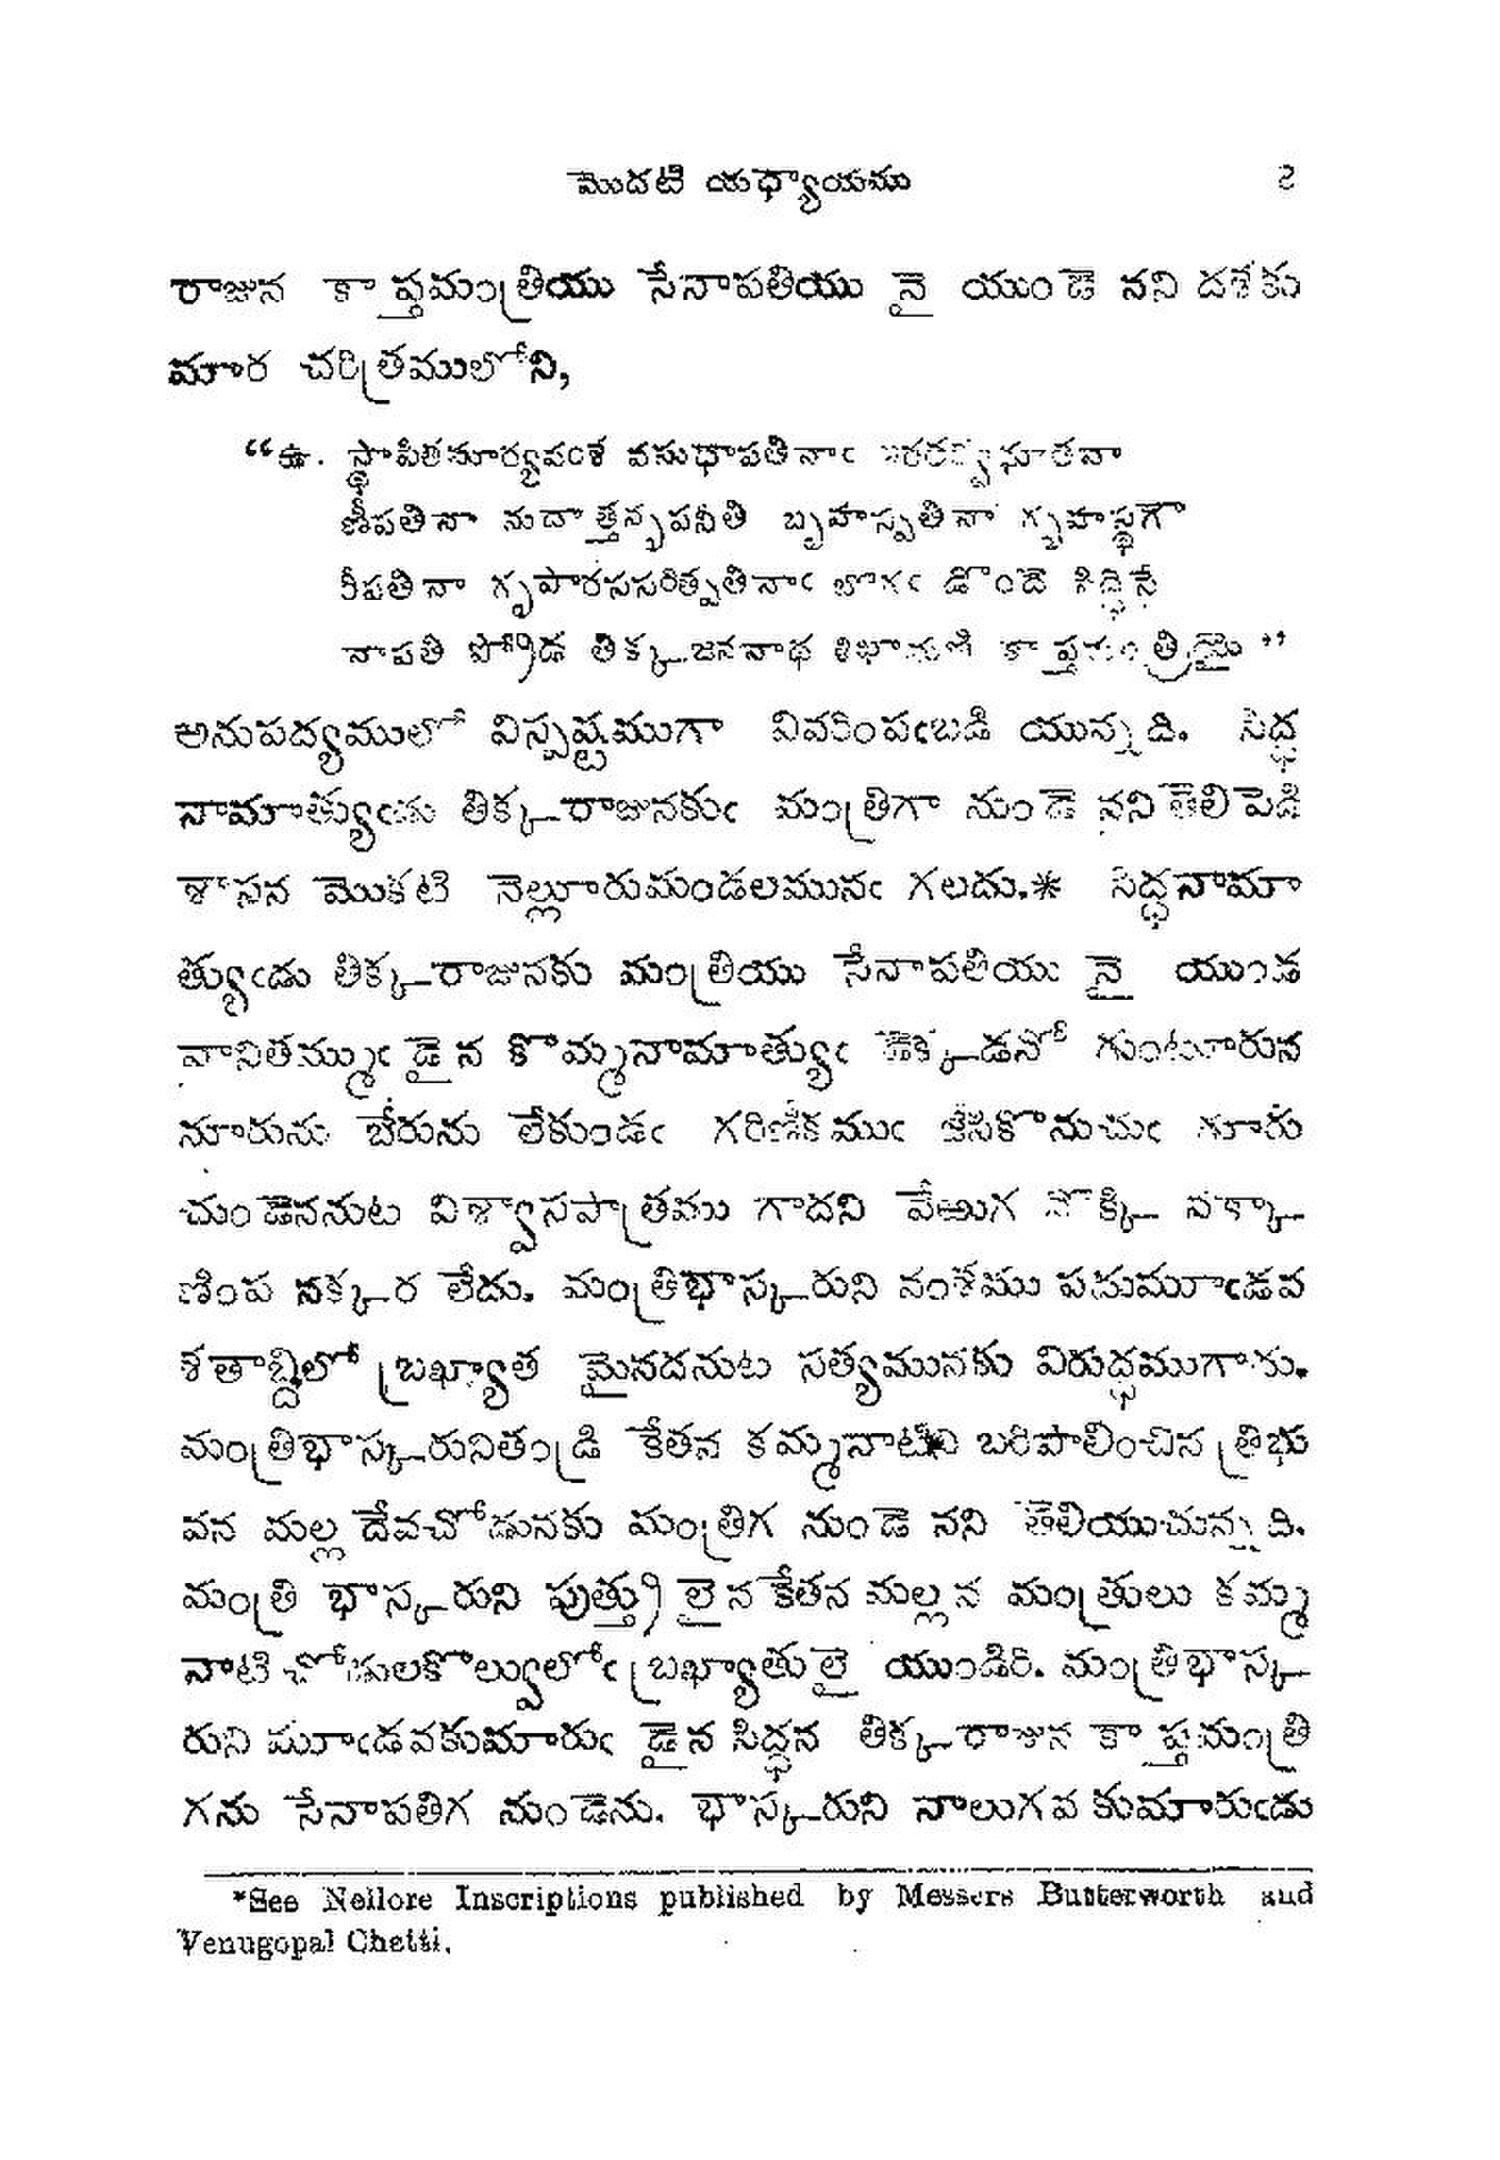రాజున కాప్తమంత్రియు సేనాపతియు నై యుండె నని దశకుమార చరిత్రములోని,

"ఉ. స్థాపితసూర్యవంశ వసుధాపతినాఁ బరతత్వధూతవా
 ణీపతినా నుదాత్తనృపవీతి బృహస్పతినా గృహస్థగౌ
 రీపతినా గృపారససరిత్పతినాఁ బొగఁ డొందె సిద్ధిసే
 నాపతి ప్రోడ తిక్కజననాథ శిఖామణి కాప్తమంత్రియై."
అనుపద్యములో విస్పష్టముగా వివరింపఁబడి యున్నది. సిద్ధనామాత్యుఁడు తిక్కరాజునకుఁ మంత్రిగా నుండె ననితెలిపెడి శాసన మొకటి నెల్లూరుమండలమునఁ గలదు. సిద్ధనామాత్యుఁడు తిక్కరాజునకు మంత్రియు సేనాపతియు నై యుండ వానితమ్ముఁడైన కొమ్మనామత్యుఁ డెక్కడనో గుంటూరున నూరును బేరును లేకుండఁ గరిణీకముఁ జేసికొనుచుఁ గూరుచుండెననుట విశ్వాసపాత్రము గాదని వేఱుగ నొక్కి వక్కాణింప నక్కర లేదు. మంత్రిభాస్కరుని వంశము పదుమూఁడవ శతాబ్దిలో బ్రఖ్యాత మైనదనుట సత్యమునకు విరుద్ధముగాదు. మంత్రిభాస్కరునితండ్రి కేతన కమ్మనాటిని బరిపాలించిన త్రిభువన మల్లదేవచోడునకు మంత్రిగ నుండె నని తెలియుచున్నది. మంత్రి భాస్కరుని పుత్త్రులైన కేతన మల్లన మంత్రులు కమ్మనాటి చోడులకొల్వులోఁ బ్రఖ్యాతులై యుండిరి. మంత్రిభాస్కరుని మూఁడవకుమారుఁ డైన సిద్ధన తిక్కరాజున కాప్తమంత్రిగను సేనాపతిగ నుండెను. భాస్కరుని నాలుగవ కుమారుఁడు